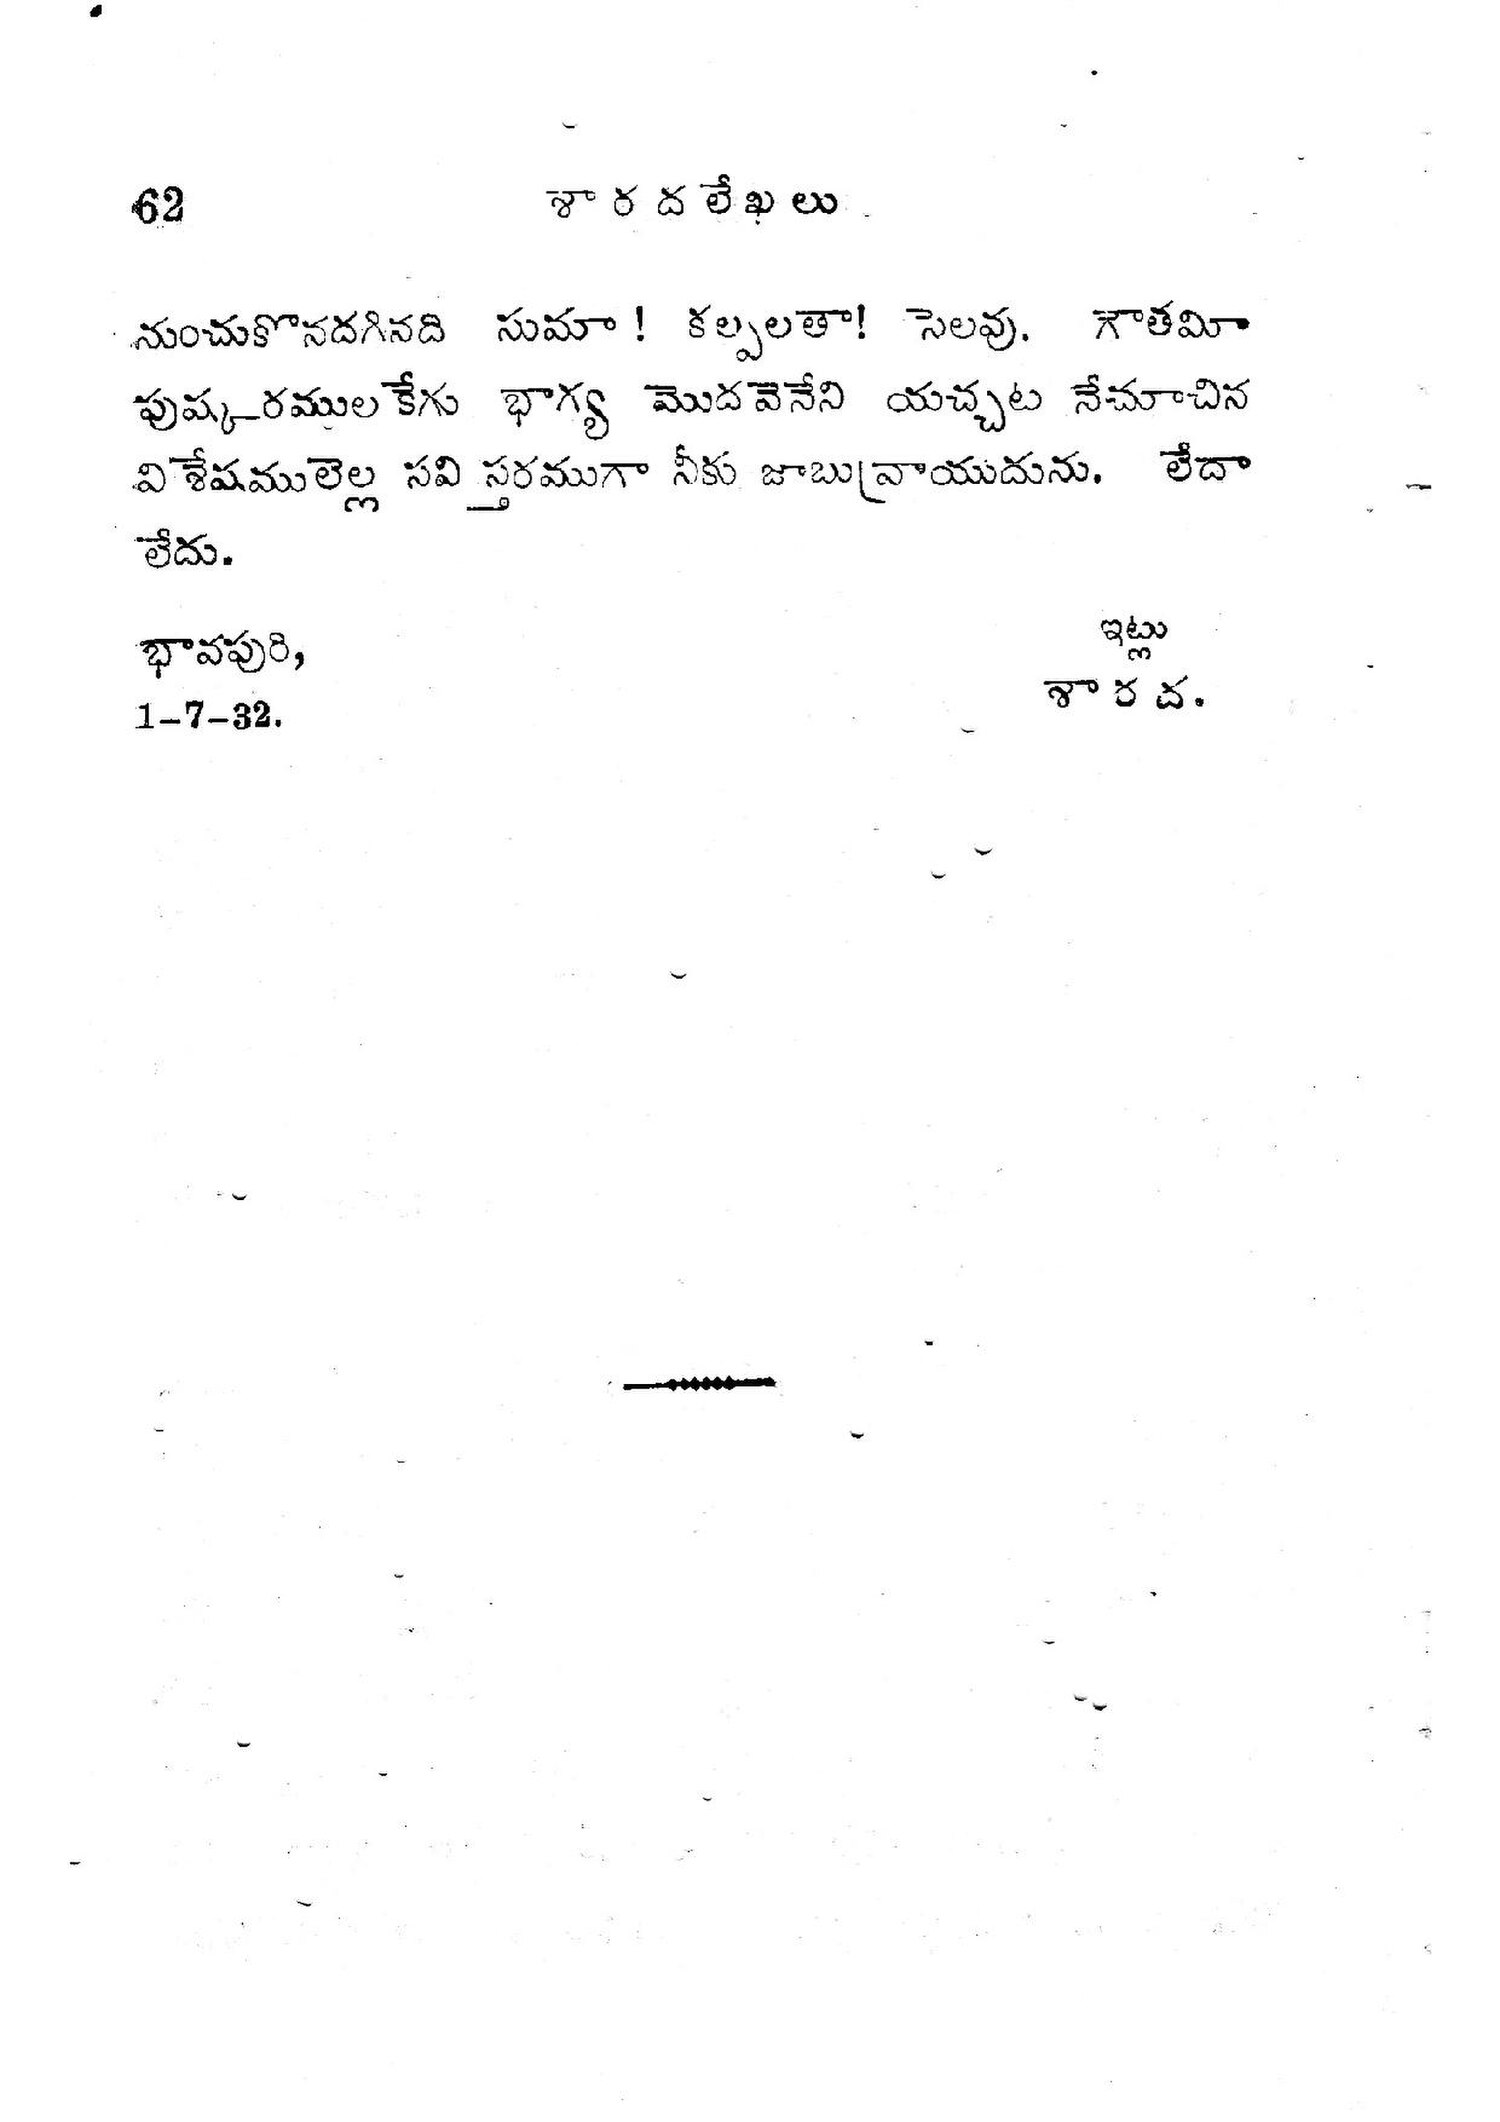నుంచుకొనదగినది సుమా! కల్పలతా! సెలవు. గౌతమీ
పుష్కరముల కేగు భాగ్య మొదవెనేని యచ్చట నేచూచిన
విశేషములెల్ల సవి స్తరముగా నీకు జాబువ్రాయుదును. లేదా
లేదు.